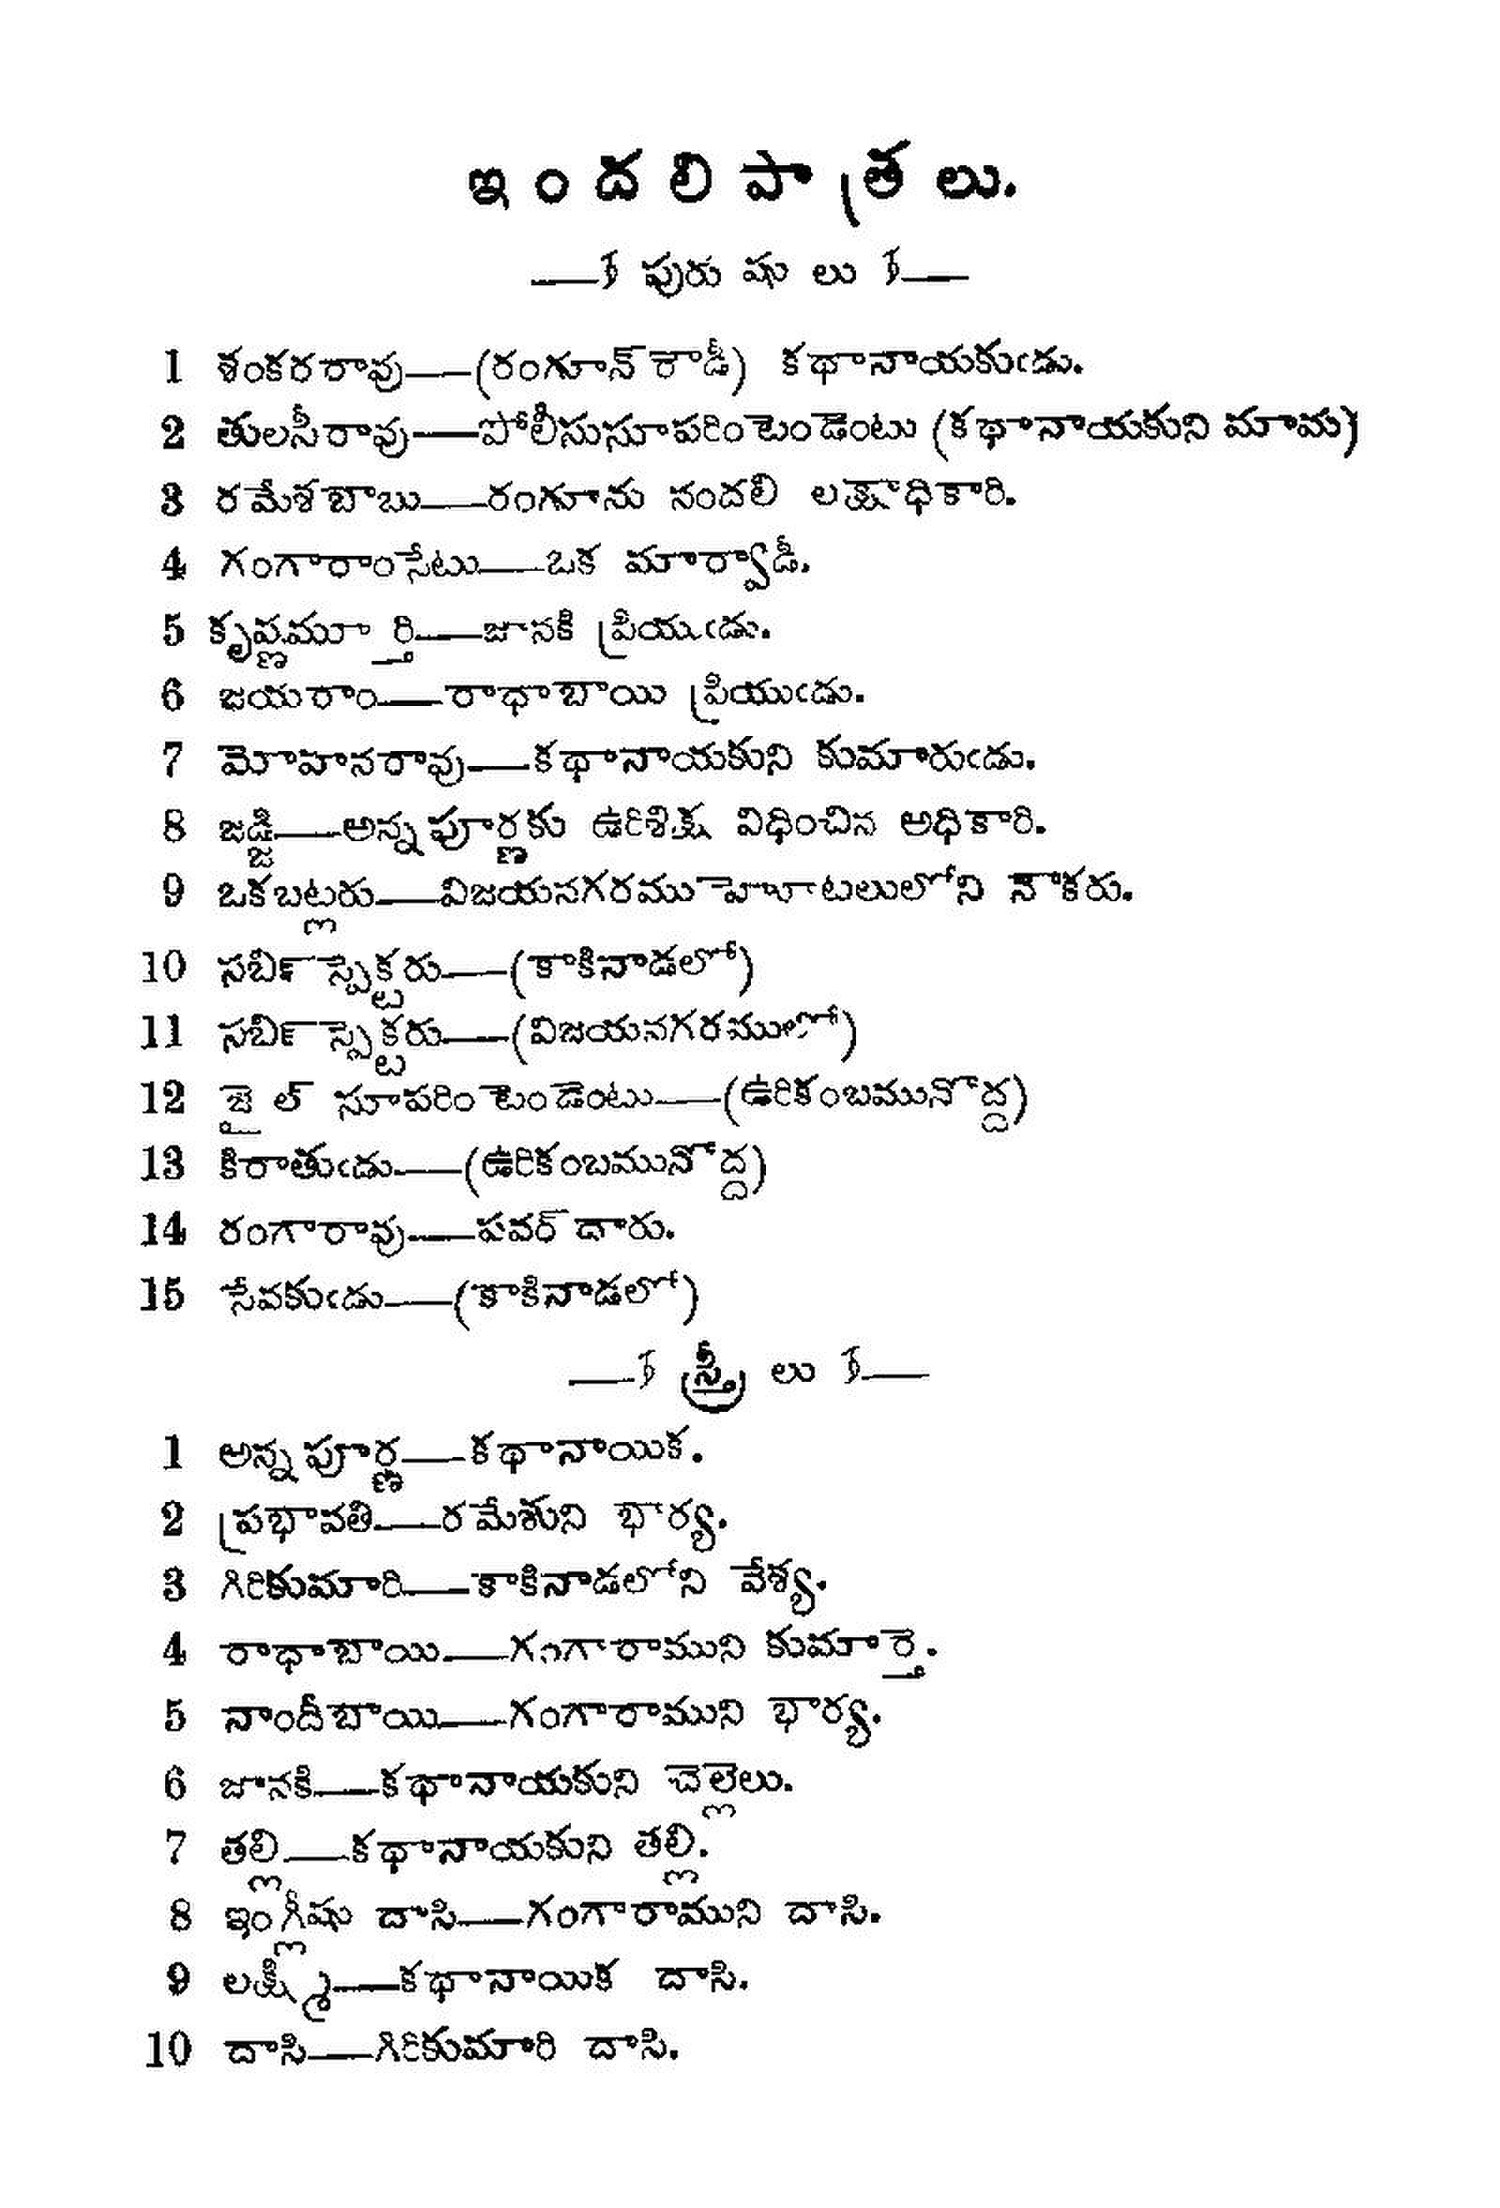ఇందలి పాత్రలు.

1 శంకరరావు—(రంగూన్ రౌడీ) కథానాయకుఁడు.

2 తులసీరావు—పోలీసు సూపరింటెండెంటు (కథానాయకుని మామ)

3 రమేశబాబు—రంగూను నందలి లక్షాధికారి.

4 గంగారాం సేటు—ఒక మార్వాడీ,

5 కృష్ణమూర్తి—జానకి ప్రియుఁడు.

6 జయరాం—రాధాబాయి ప్రియుఁడు.

7 మోహనరావు—కథానాయకుని కుమారుఁడు.

8 జడ్జి—అన్నపూర్ణకు ఉరిశిక్ష విధించిన అధికారి.

9 ఒక బట్లరు—విజయనగరము హెూటలులోని నౌకరు.

10 సబిన్‌స్పెక్టరు—(కాకినాడలో)

11 సబిన్‌స్పెక్టరు—(విజయనగరములో)

12 జైల్ సూపరింటెండెంటు—(ఉరికంబమునొద్ద)

13 కిరాతుఁడు—(ఉరికంబమునోద్ద)

14 రంగారావు—పవర్ దారు.

15 సేవకుఁడు—(కాకినాడలో)

1 అన్నపూర్ణ—కథానాయిక.

2 ప్రభావతి—రమేశుని భార్య.

3 గిరికుమారి—కాకినాడలోని వేశ్య.

4 రాధాబాయి—గంగారాముని కుమార్తె.

5 నాందీబాయి—గంగారాముని భార్య.

6 జూనకి—కథానాయకుని చెల్లెలు.

7 తల్లి—కథానాయకుని తల్లి.

8 ఇంగీషు దాసి—గంగారాముని దాసి.

9 లక్ష్మి—కథానాయిక దాసి.

10 దాసి—గిరికుమారి దాసి.